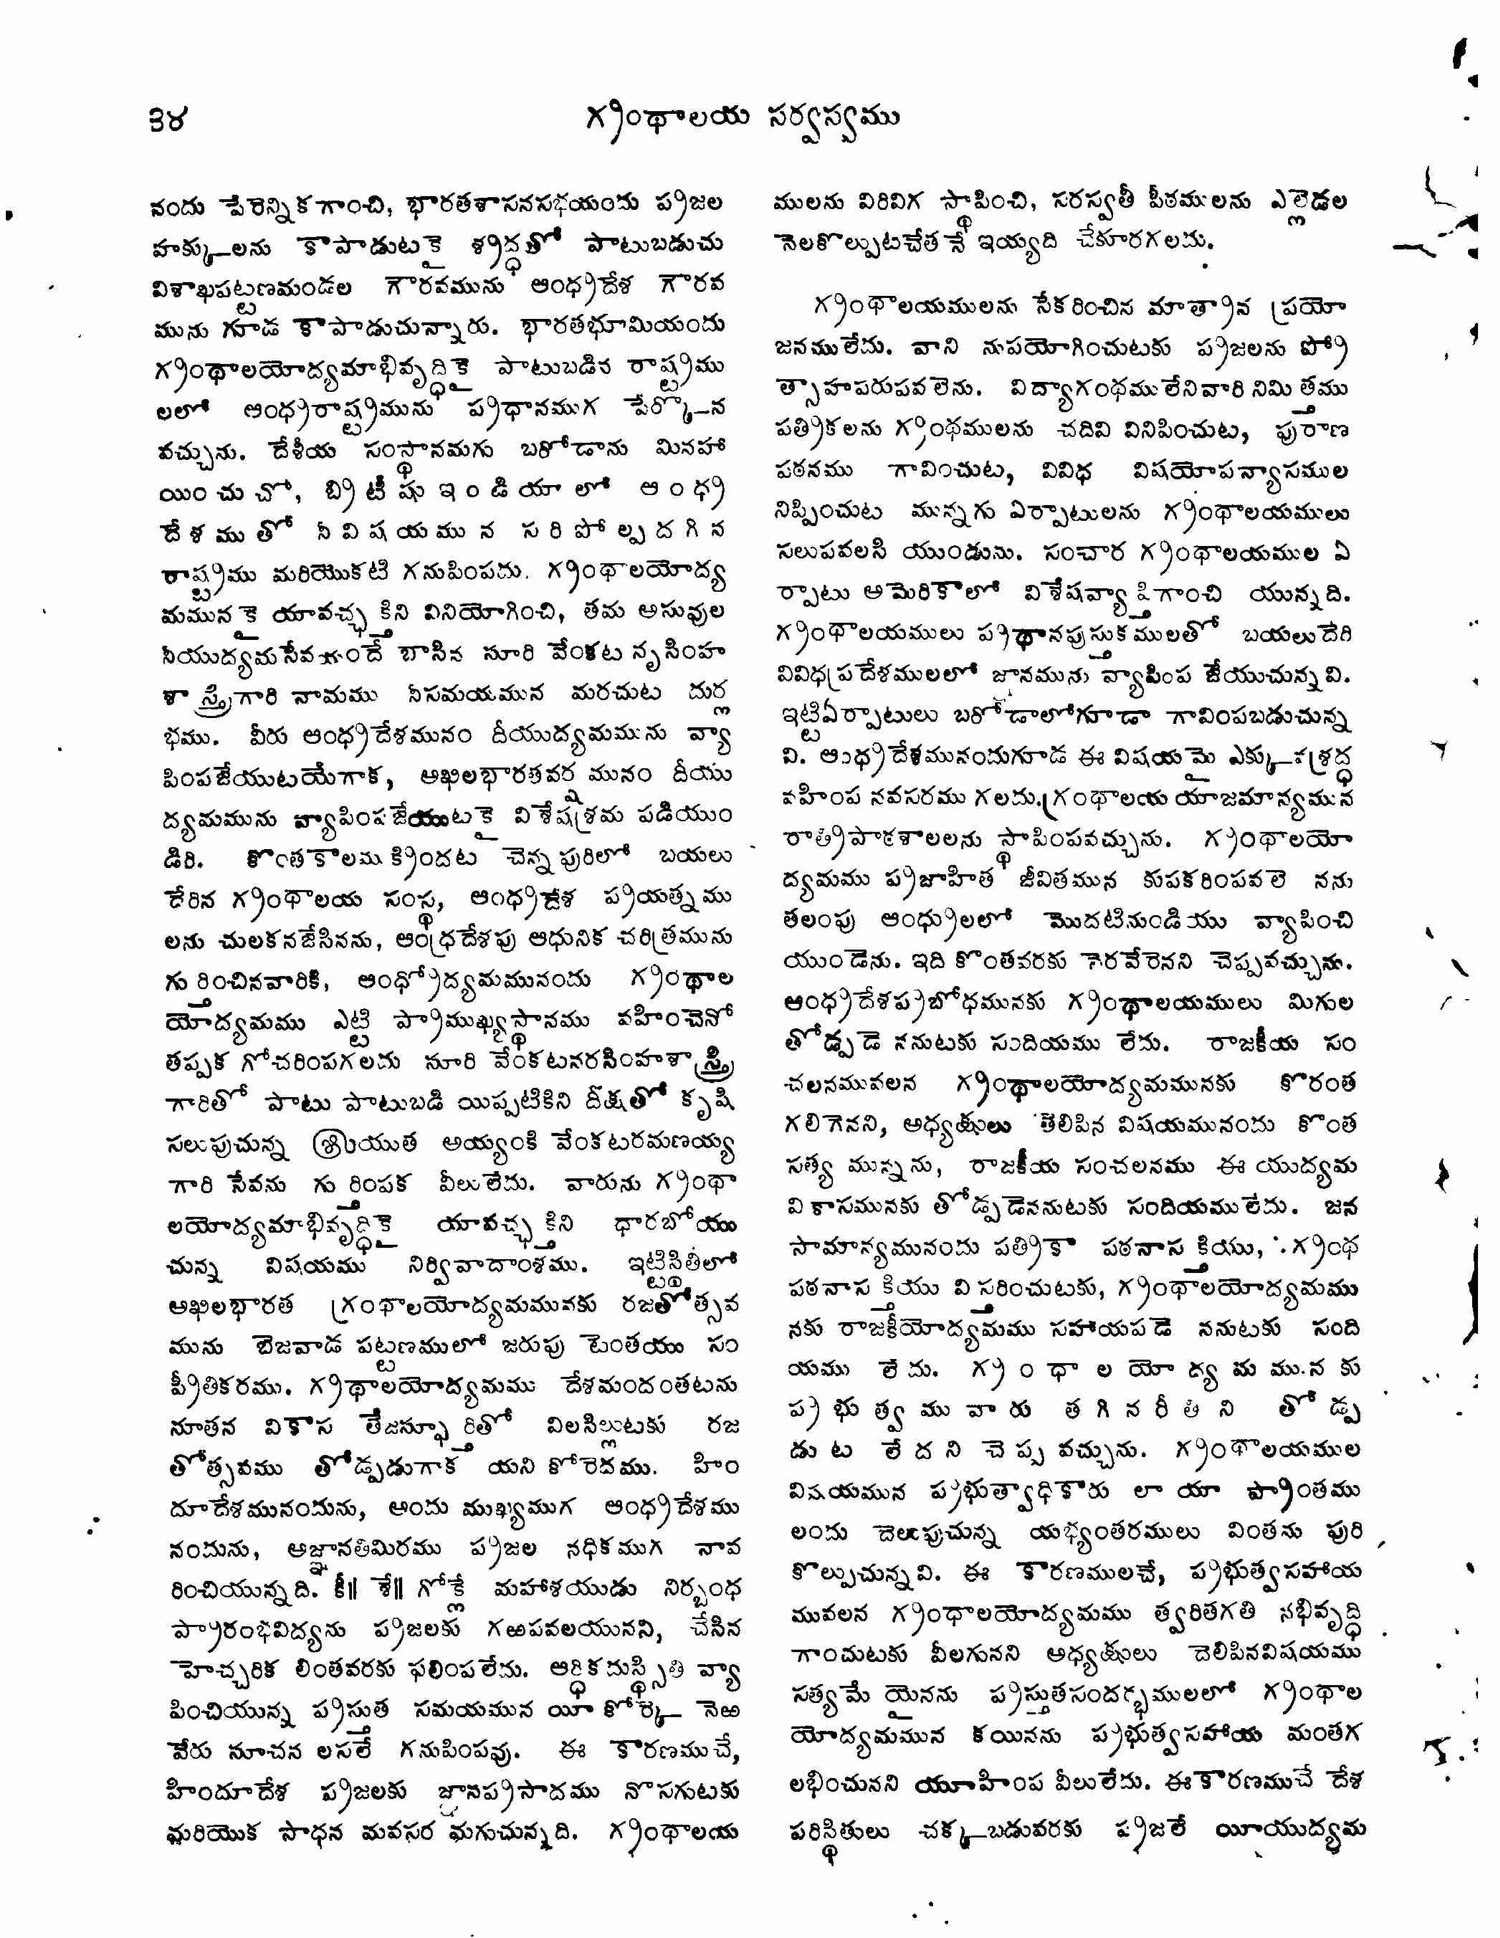నందు పేరెన్నిక గాంచి, భారతశాసన సభయందు ప్రజల హక్కులను కాపాడుటకై శ్రద్ధతో పాటుబడుచు విశాఖపట్టణమండల 
గౌరవమును ఆంధ్రదేశ గౌరవమును గూడ కాపాడుచున్నారు. భారతభూమియందు గ్రంథాలయోద్యమాభివృద్ధికై పాటుబడిన రాష్ట్రములలో ఆంధ్రరాష్ట్రమును ప్రధానముగ పేర్కొన వచ్చును. దేశీయ సంస్థానమగు బరోడాను మినహాయించుచో, బ్రిటీషు ఇండియా లో ఆంధ్ర
దేశముతో నీ విషయమున సరిపోల్చదగిన రాష్ట్రము మరియొకటి గనుపింపదు. గ్రంథాలయోద్యమమునకై యావచ్ఛక్తిని వినియోగించి, తమ అసువులు నీయుద్యమసేవుందే బాసిన సూరి వేంకట నృసింహశాస్త్రి గారి నామము నీ సమయమున మరచుట దుర్బలము. వీరు ఆంధ్ర దేశమునం దీయుద్యమమును వ్యాపింపజేయుటయేగాక, అఖిలభారతవర్షము నందీయుద్యమమును వ్యాపింపజేయుటకై 
విశేషశ్రమ పడియుండిరి. కొంతకాలము క్రిందట చెన్నపురిలో బయలుదేరిన గ్రంథాలయ సంస్థ, ఆంధ్రదేశ ప్రయత్నములను చులకనజేసినను, ఆంధ్రదేశపు ఆధునిక చరిత్రమును గుర్తించినవారికి, ఆంధ్రోద్యమమునందు గ్రంథాలయోద్యమము ఎట్టి ప్రాముఖ్యస్థానము వహించెనో తప్పక గోచరింపగలదు. సూరి వేంకటనరసింహశాస్త్రి గారితో పాటు పాటుబడి యిప్పటికిని దీక్షతో కృషిసలుపుచున్న శ్రీయుత అయ్యంకి వెంకటరమణయ్య గారి సేవను గుర్తింపక వీలులేదు. వారును గ్రంథాలయోద్యమాభివృద్ధికై యావచ్ఛక్తిని ధారబోయుచున్న విషయము నిర్వివాదాంశము. ఇట్టిస్టితిలో అఖిలభారత గ్రంథాలయోద్యమమునకు రజతోత్సవమును బెజవాడ పటణములో జరుపు టెంతయు సంప్రీతికరము. గ్రథాలయోద్యమము దేశమందంతటను నూతన వికాస తేజస్ఫూరితో విలసిల్లుటకు రజతోత్సవము తోడ్పడుగాక యని కోరెదము. హిందూదేశమునందును, అందు ముఖ్యముగ ఆంధ్రదేశము నందును, అజ్ఞానతిమిరము ప్రజల నధికముగ నావరించియున్నది. కీ॥ శే॥ గోక్లే మహాశయుడు నిర్బంధ ప్రారంభవిద్యను ప్రజలకు గఱపవలయునని, చేసిన హెచ్చరిక లింతవరకు ఫలింపలేదు. ఆర్ధిక దుస్థితి వ్యాపించియున్న ప్రస్తుత సమయమున యీ కోర్కె నెఱవేరు నూచన లసలే గనుపింపవు. ఈ కారణముచే, హిందూదేశ ప్రజలకు ఙ్ఞానప్రసాదము నొసగుటకు మరియొక సాధన మవసరమగుచున్నది. గ్రంథాలయములను విరివిగ స్థాపించి, సరస్వతీ పీఠములను ఎల్లెడల నెలకొల్పుటచేతనే ఇయ్యది చేకూరగలదు.

గ్రంథాలయములను సేకరించిన మాత్రాన ప్రయోజనములేదు. వాని నుపయోగించుటకు ప్రజలను ప్రోత్సాహపరుపవలెను. విద్యాగంధము లేనివారి నిమిత్తము పత్రికలను గ్రంధములను చదివి వినిపించుట, పురాణపఠనము గావించుట, వివిధ విషయోపన్యాసముల నిప్పించుట మున్నగు ఏర్పాటులను గ్రంథాలయములు సలుపవలసి యుండును. సంచార గ్రంథాలయముల ఏర్పాటు అమెరికాలో విశేషవ్యాప్తి గాంచి యున్నది. గ్రంథాలయములు ప్రథాన పుస్తుకములతో బయలుదేరి వివిధప్రదేశములలో జ్ఞానమును వ్యాపింప జేయుచున్నవి. ఇట్టి ఏర్పాటులు బరోడాలోగూడా గావింపబడుచున్నవి. ఆంధ్ర దేశమునందుగూడ ఈ విషయమై ఎక్కువ శ్రద్ధ వహింప నవసరము గలదు. గ్రంథాలయ యాజమాన్యమున రాత్రి పాఠశాలలను స్థాపింపవచ్చును. గ్రంథాలయోద్యమము ప్రజాహిత 'జీవితమున కుపకరింపవలెనను తలంపు ఆంధ్రులలో మొదటినుండియు వ్యాపించి యుండెను. ఇది కొంతవరకు నెరవేరెనని చెప్పవచ్చును. ఆంధ్రదేశ ప్రబోధమునకు గ్రంథాలయములు మిగుల తోడ్పడె ననుటకు సందియము లేదు. రాజకీయ సంచలనమువలన గ్రంథాలయోద్యమమునకు కోరంత గలిగెనని, అధ్యక్షులు తెలిపిన విషయమునందు కొంత సత్యమున్నను, రాజకీయ సంచలనము ఈ యుద్యమ వికాసమునకు తోడ్పడెననుటకు సందియము లేదు. జన సామాన్యమునందు పత్రికా పఠనాసక్తియు, గ్రంధపఠనాసక్తియు విస్తరించుటకు, గ్రంథాలయోద్యమమునకు రాజకీయోద్యమము సహాయపడెననుటకు సందియము లేదు. గ్రంధాలయోద్యమమునకు ప్రభుత్వము వారు తగినరీతిని తోడ్పడుట లేదని చెప్ప వచ్చును. గ్రంథాలయముల విషయమున ప్రభుత్వాధికారులాయా ప్రాంతము లందు దెలుపుచున్న యభ్యంతరములు వింతను పురికొల్పుచున్నవి. ఈ కారణములచే, ప్రభుత్వ సహాయమువలన గ్రంధాలయోద్యమము త్వరితగతి నభివృద్ధి గాంచుటకు వీలగునని అధ్యక్షులు దెలిపినవిషయము సత్యమే యైనను ప్రస్తుత సందర్భములలో గ్రంథాల యోద్యమమున కయినను ప్రభుత్వ సహాయ మంతగ లభించునని యూహింప వీలులేదు. ఈ కారణముచే దేశ పరిస్థితులు చక్కబడువరకు ప్రజలే యీయుద్యమ